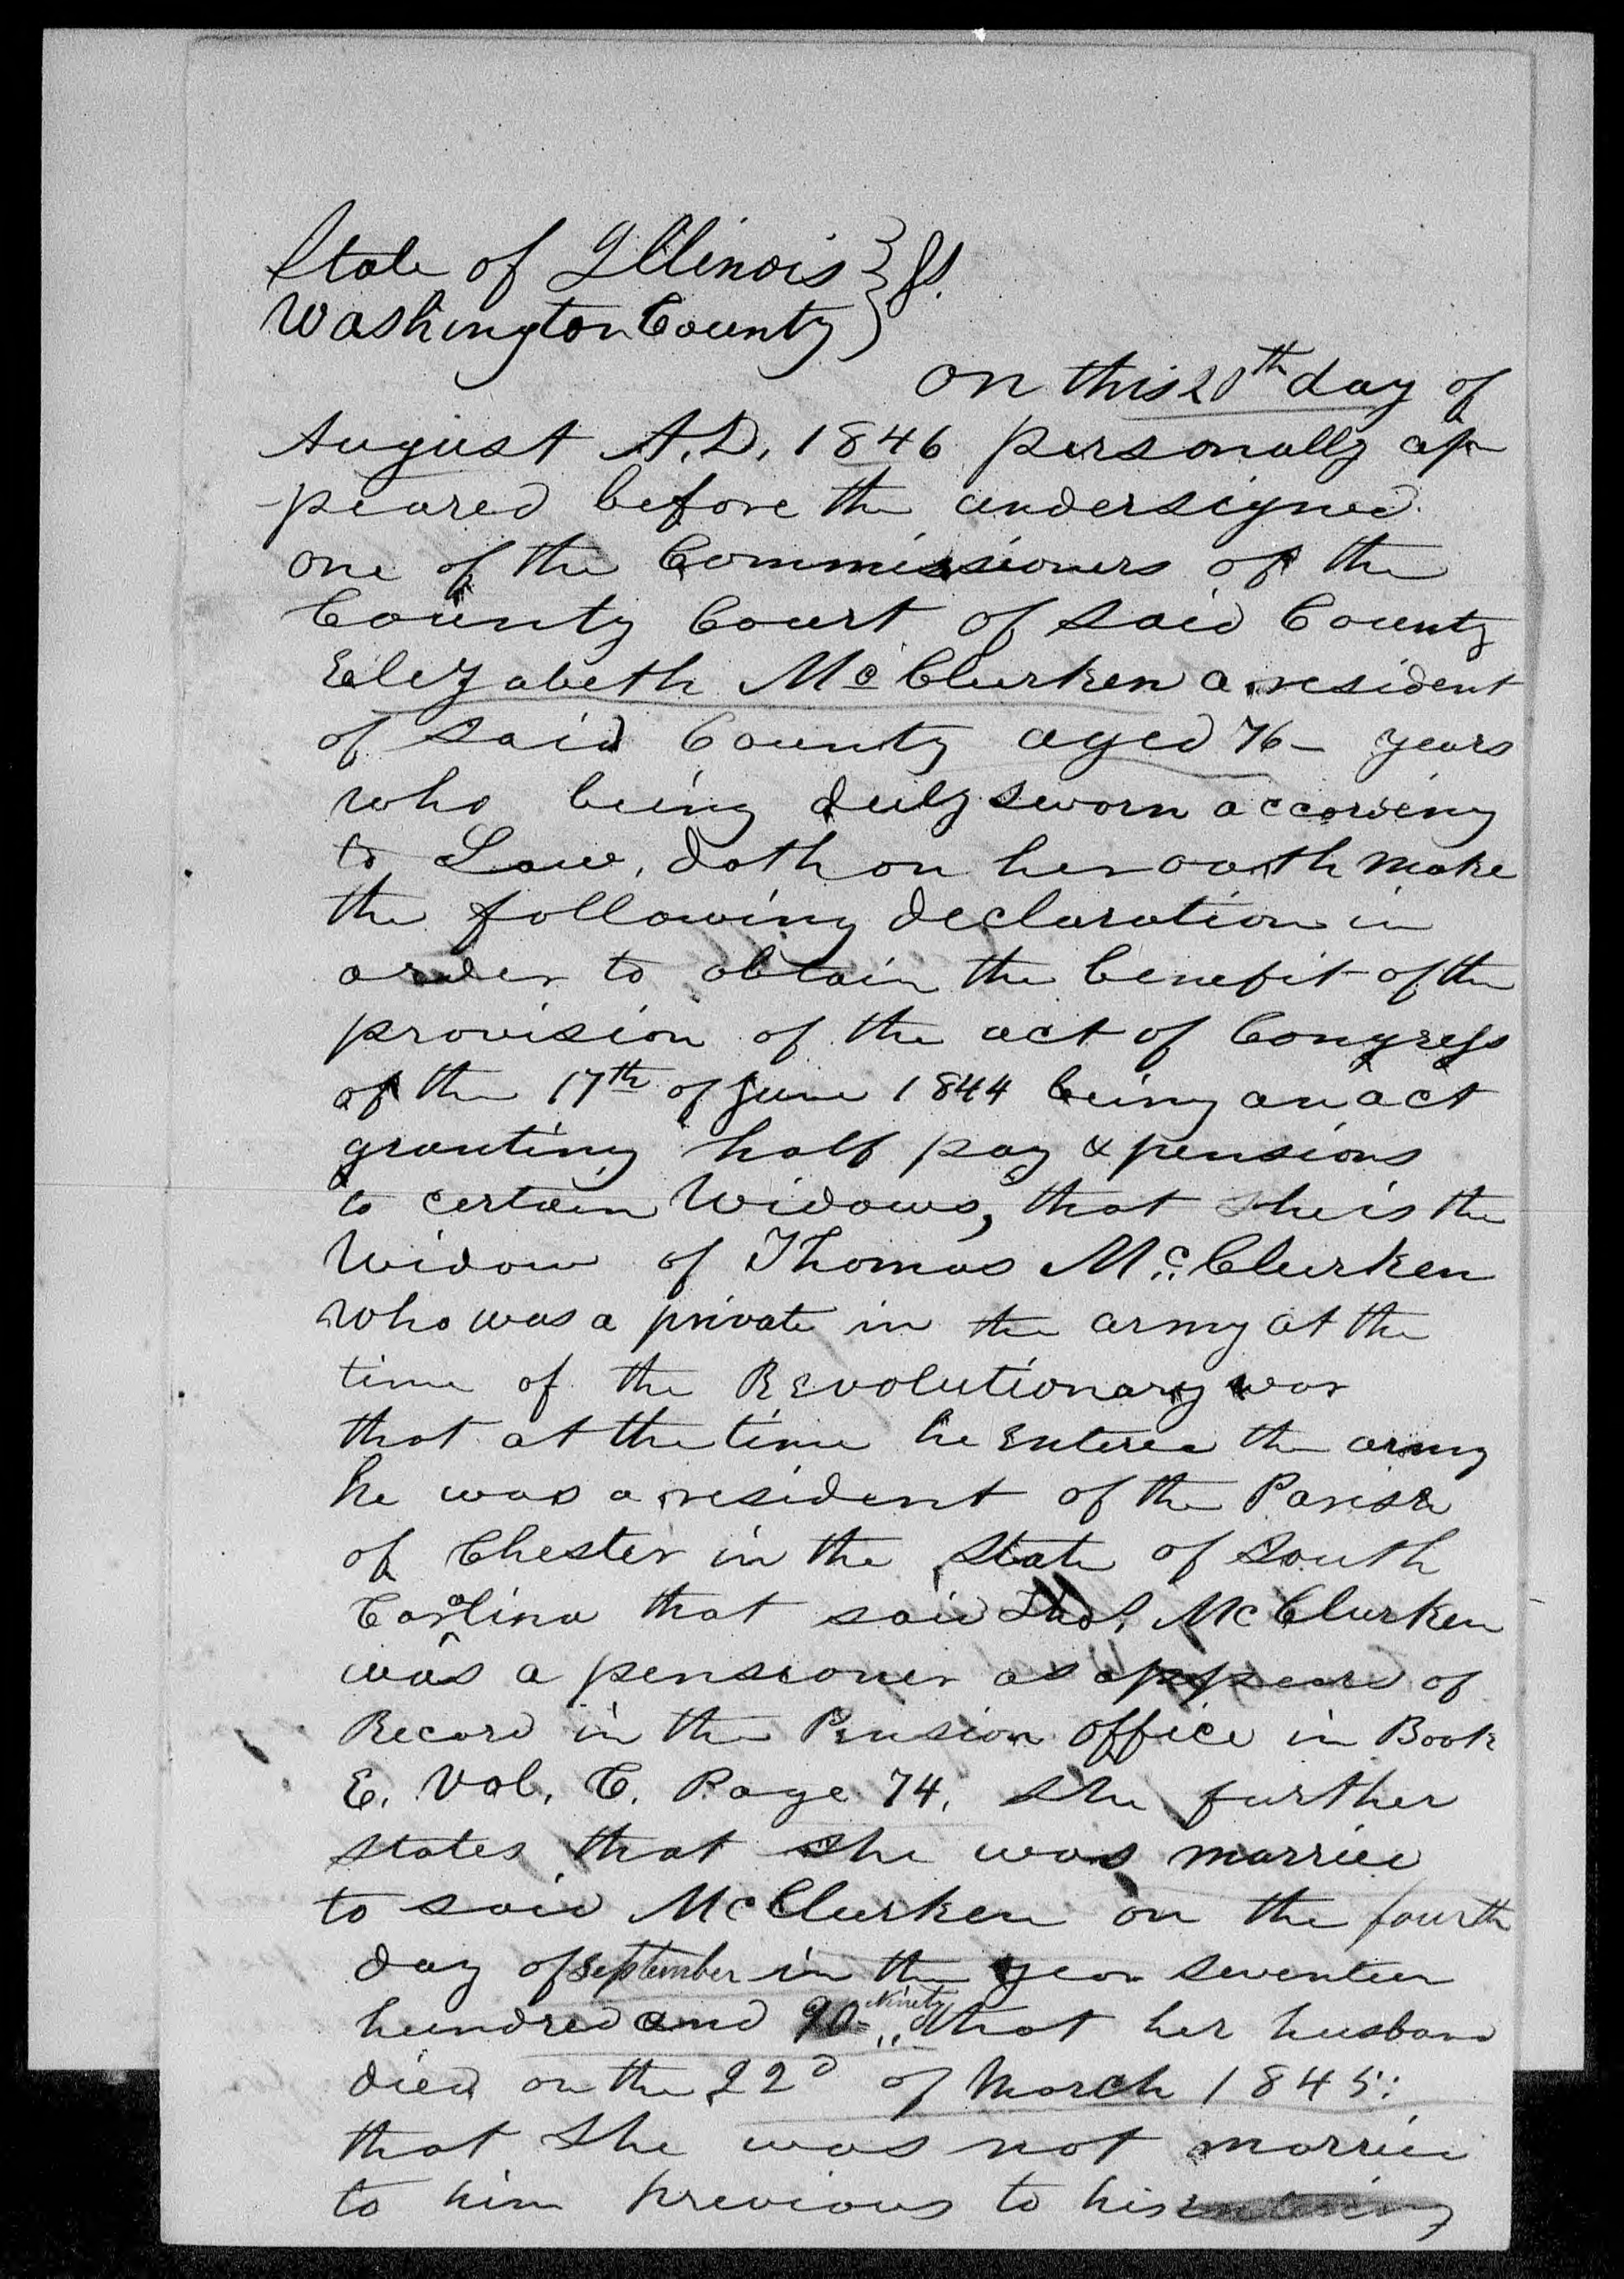State of Illinois} ss 
Washington County} ss.

On this 20th day of August A.D. 1846 personally appeared before the undersigned one of the Commissioners of the County Court of said County Elizabeth McClurken a resident of said County aged 76 years who being duly sworn according to Law, doth on her oath make the following declaration in order to obtain the benefit of the provision of the act of Congress of the 17th of June 1844 being an act granting half pay & pensions to certain Widows, that she is the Widow of Thomas McClurken who was a private in the army at the time of the Revolutionary war that at the time he entered the army he was a resident of the Parish of Chester in the State of South Carolina that said Thomas McClurken was a pensioner as appears of Record in the Pension Office in Book E. Vol. C. Page 74, she further States that she was married to said McClurken on the fourth day of September in the year seventeen hundred and 90 Ninety. That her husband died on the 22d of March 1845. that she was not married to him previous to his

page: 6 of 93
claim: widow's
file: W. 21792, for Thomas Mc Clurken, South Carolina